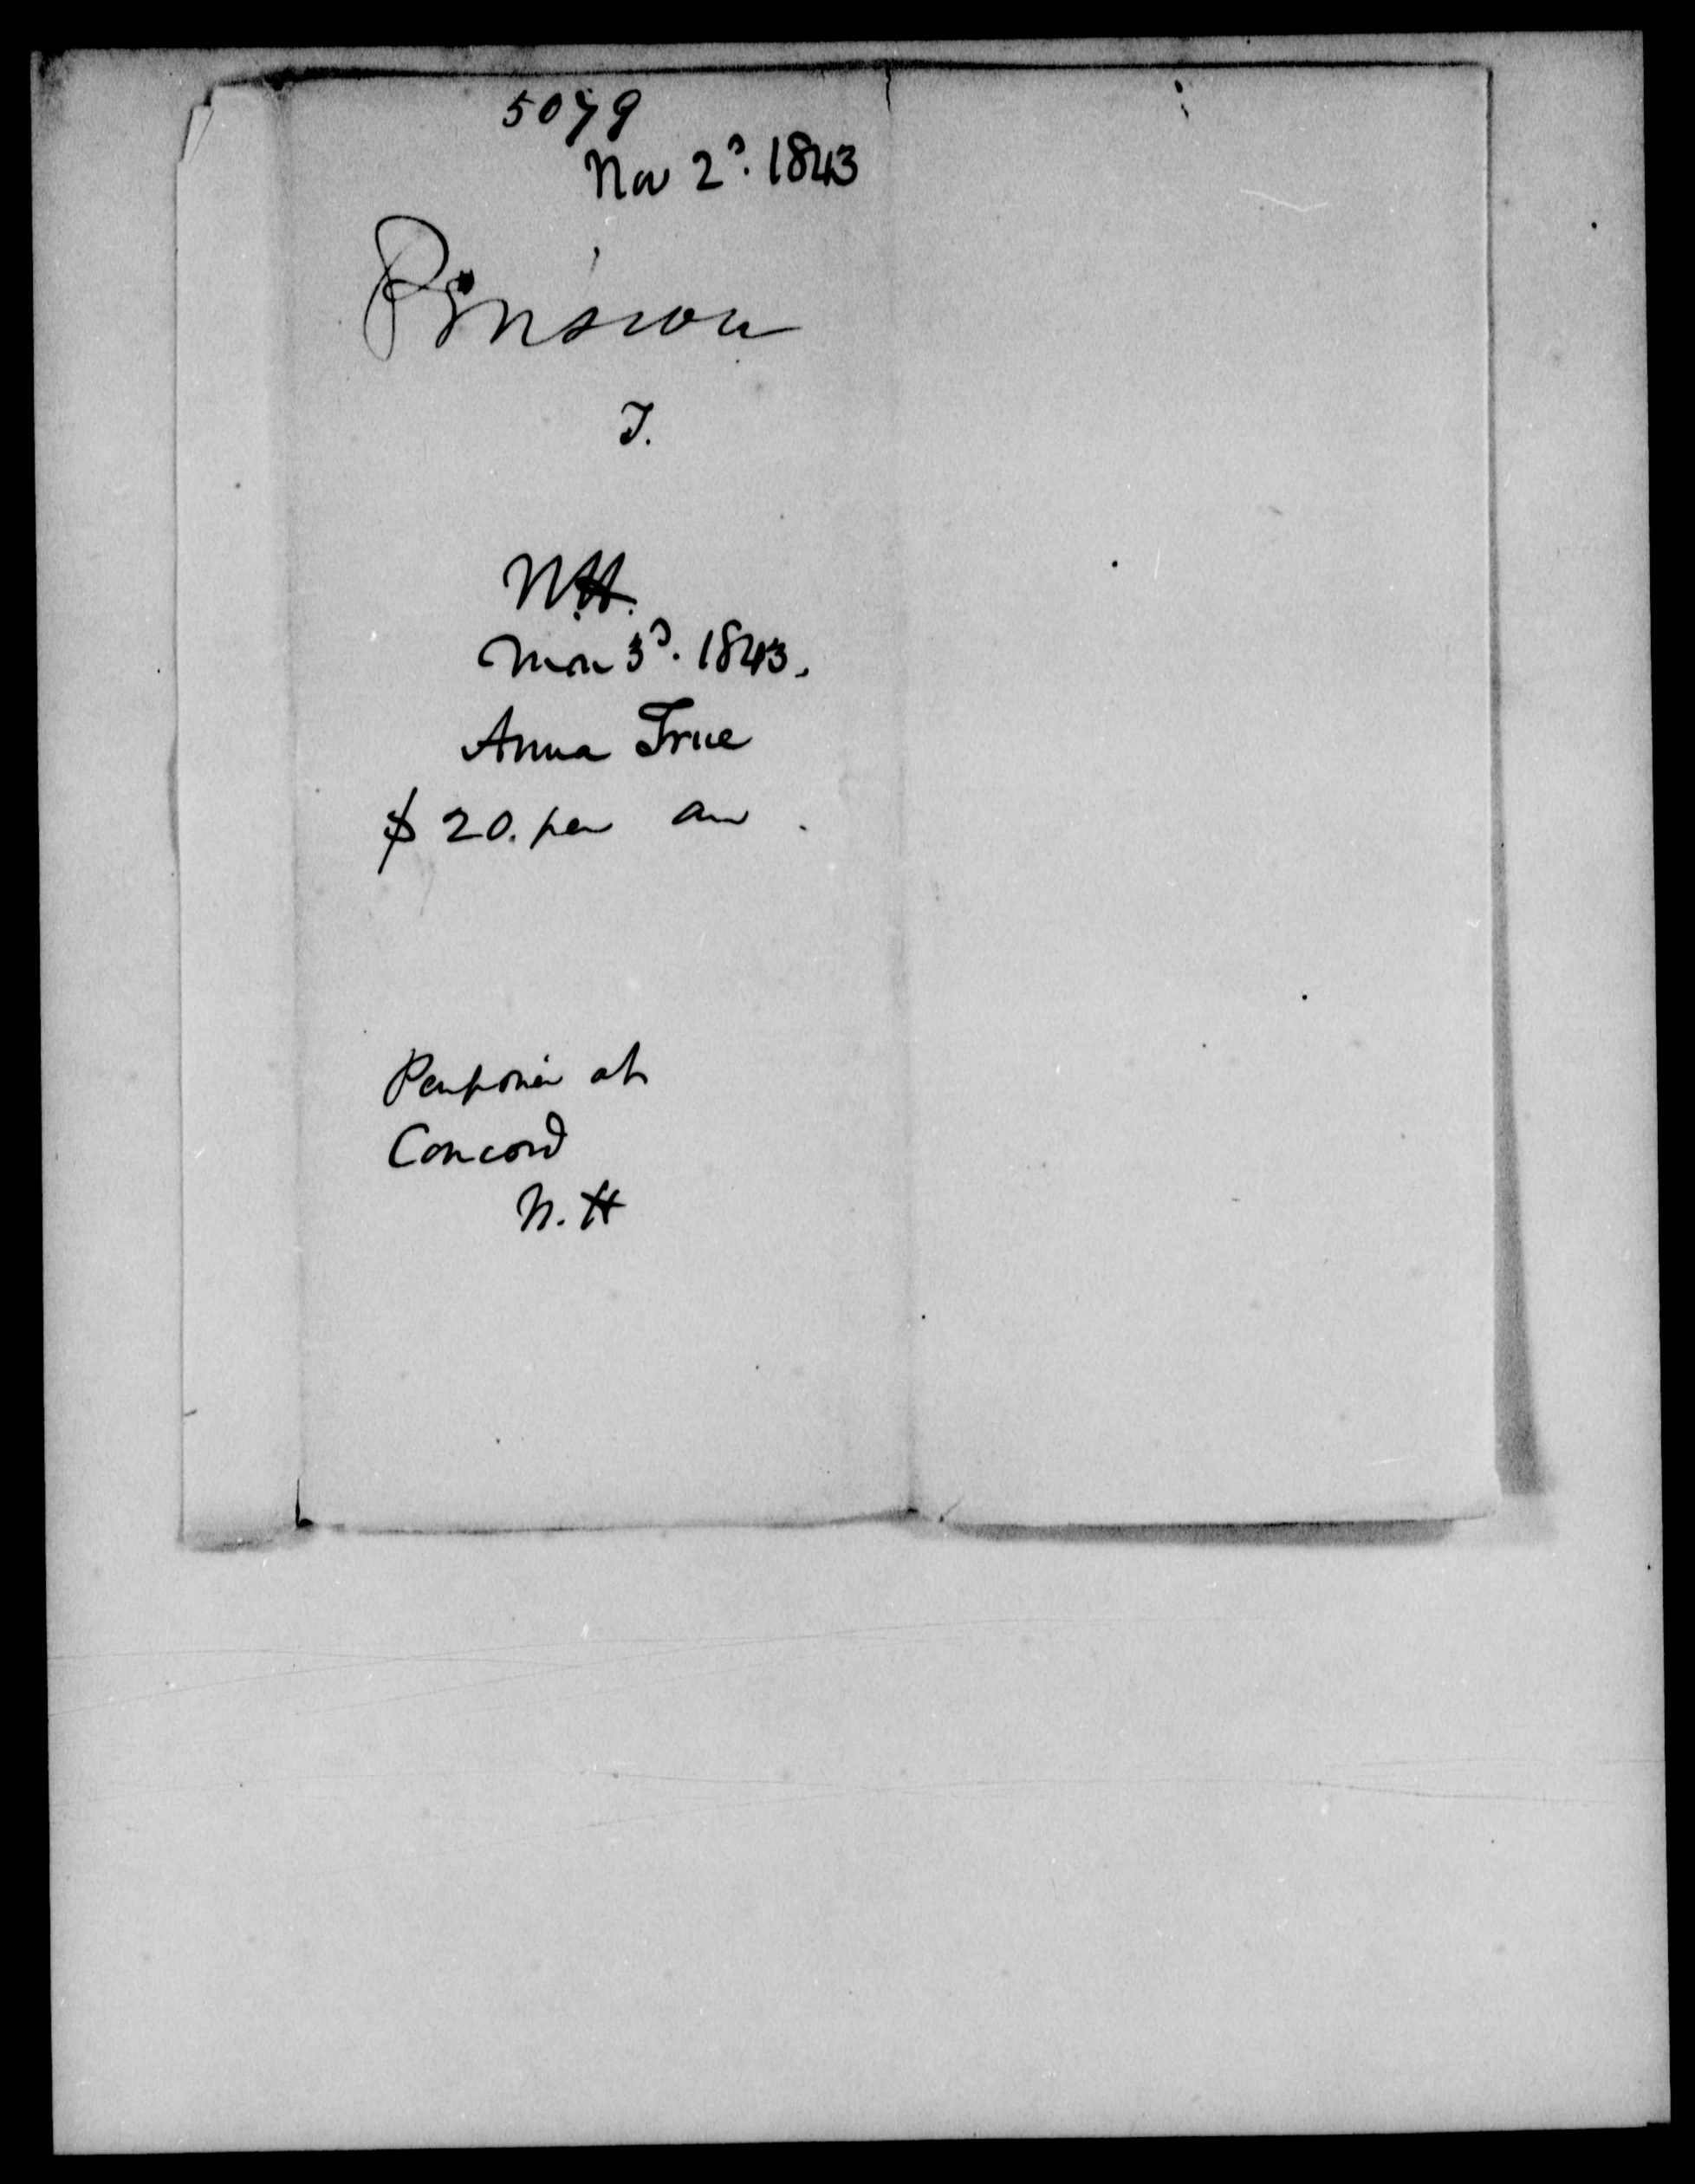5099
Nov. 2 1943

Pension
Nov. 3 March 3 1943

Anna True
$20 per annum

Pension 
Concord NH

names: Anna True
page: 15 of 24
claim: widow's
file: W. 16,451, Abraham True, N.H.